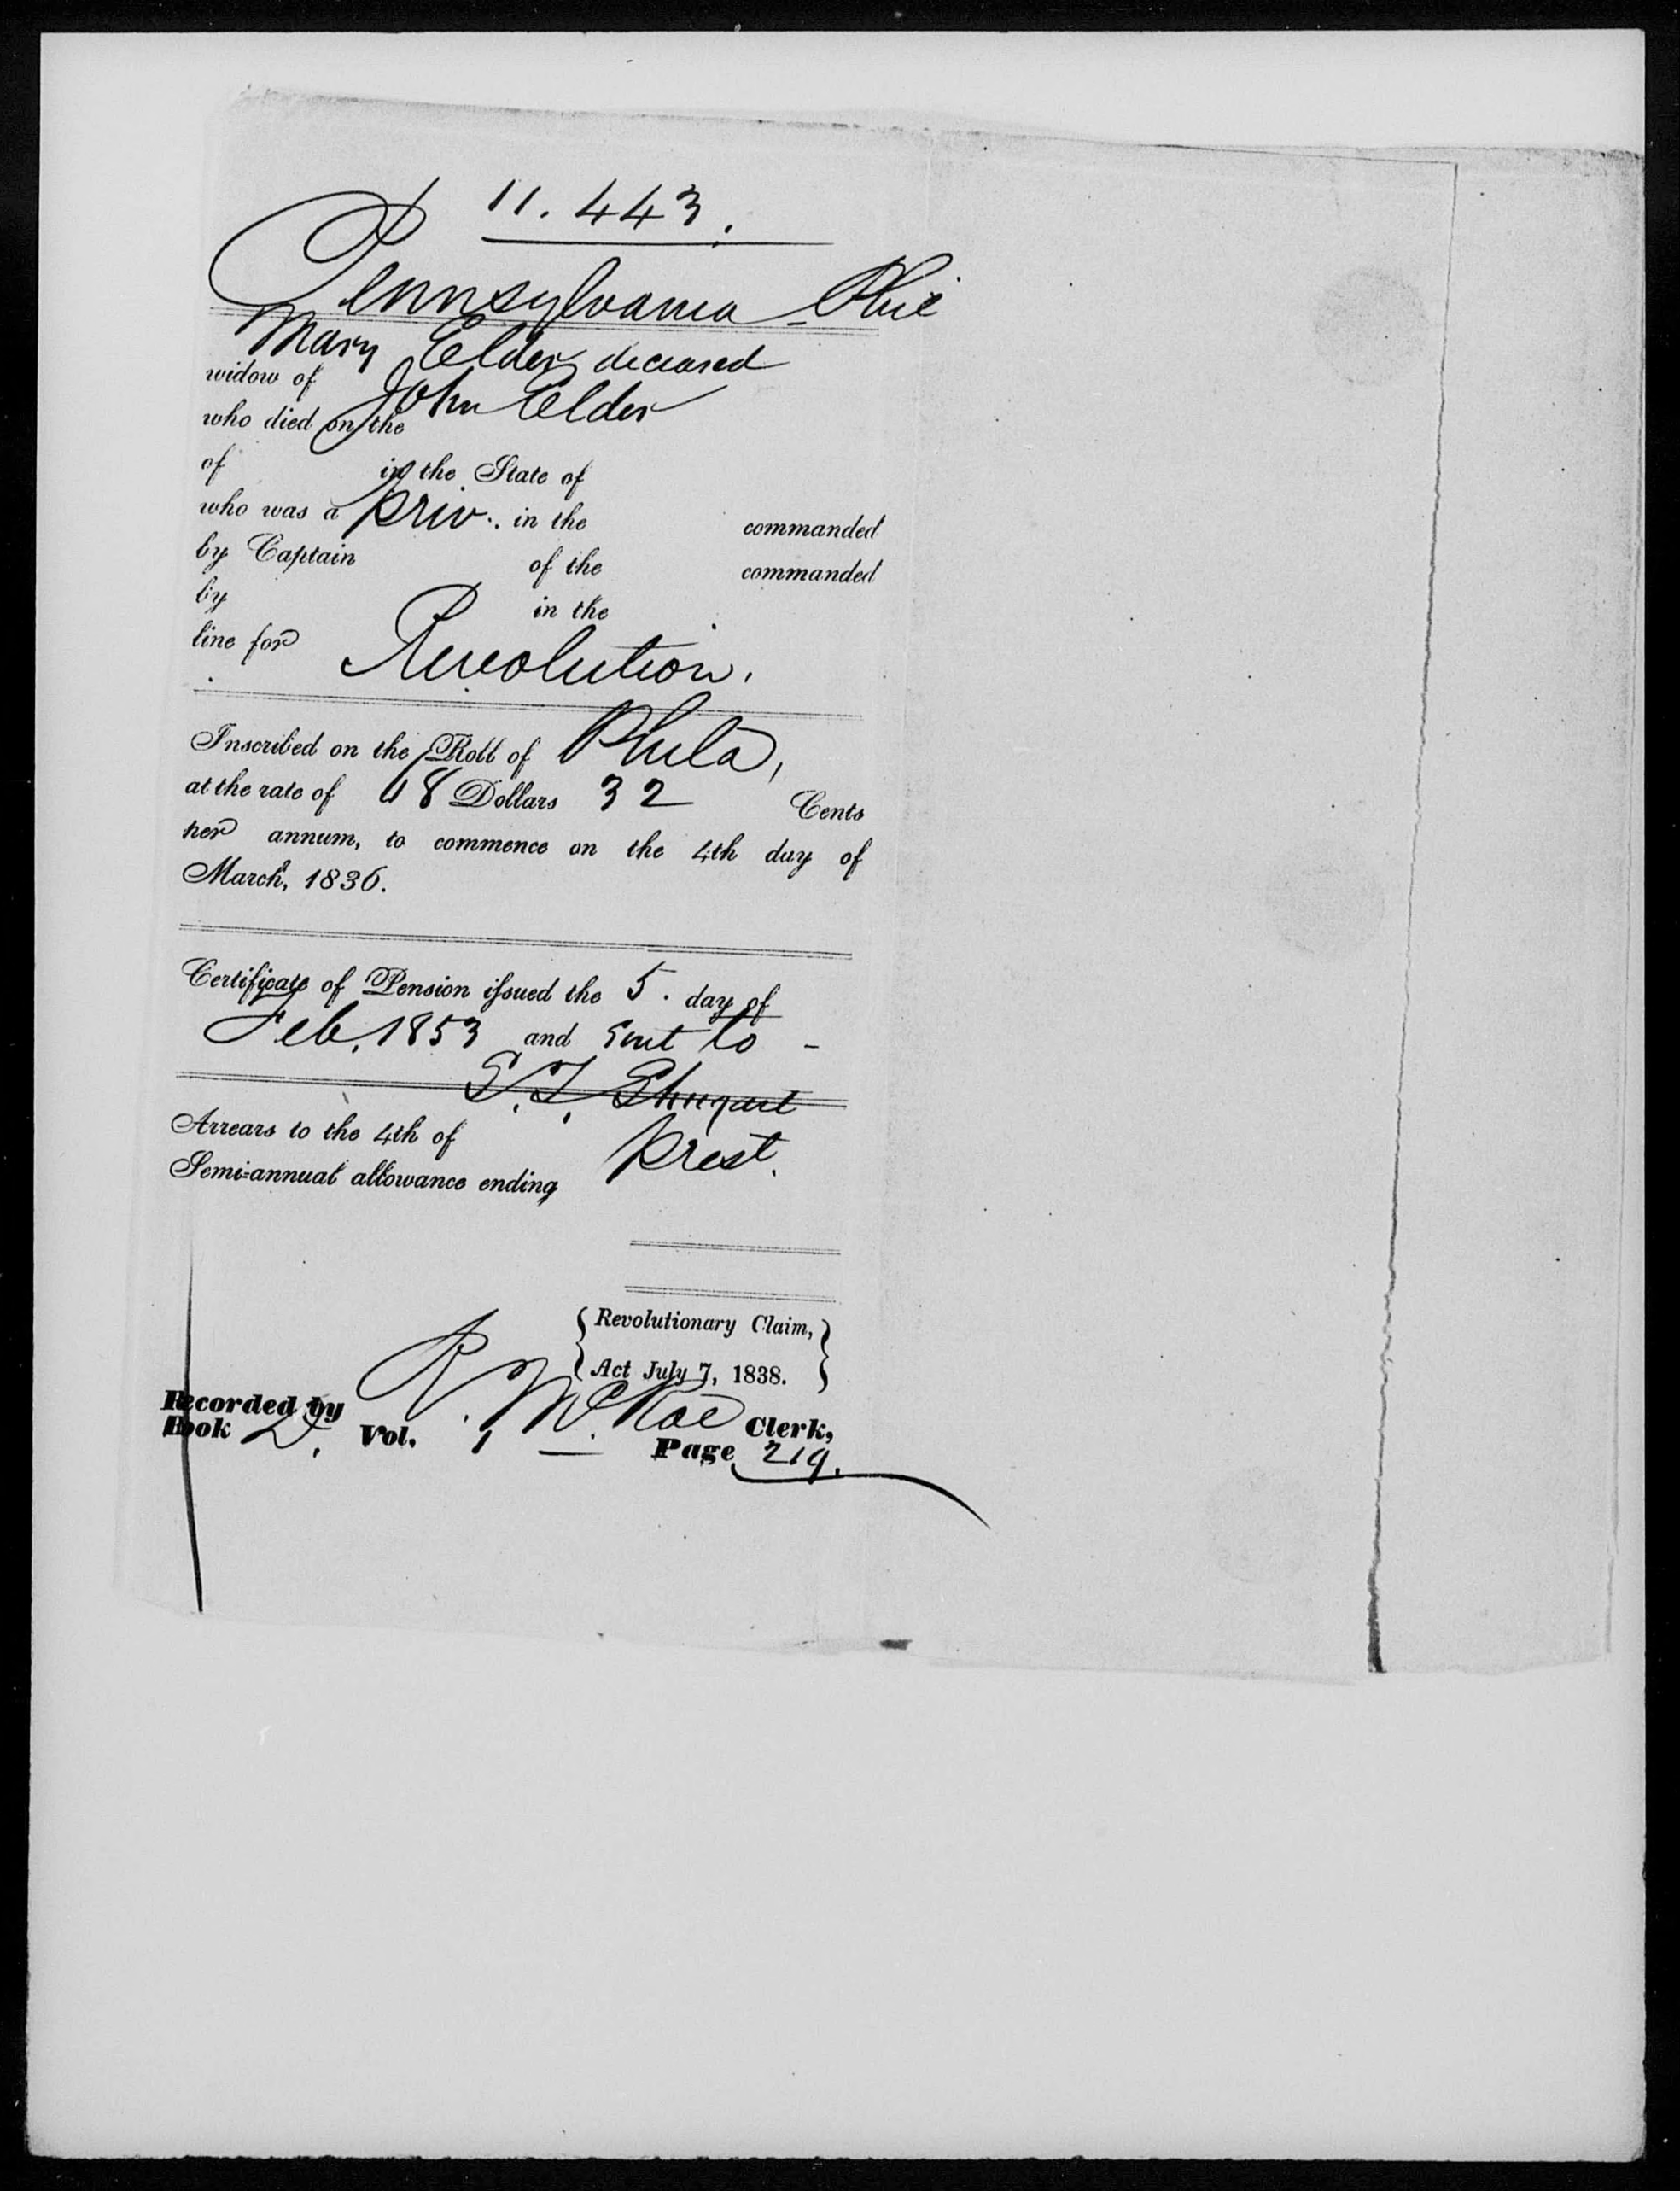11. 443.
Pennsylvania Phil
Mary Elder deceased
widow of John Elder
who died on the [blank] of [blank] in the State of [blank] who was a Priv. in the [blank] commanded by Captain [blank] of the [blank] commanded by [blank] in the [blank] line for
Revolution.

Inscribed on the Roll of Phila, at the rate of 68 Dollars 32 Cents per annum, to commence on the 4th day of March, 1836.

Certificate of Pension issued the 5 day of Feb. 1853 and sent to - [illegible]
Arrears to the 4th of
Semi-annual allowance ending

Revolutionary Claim, 
Act July 7, 1838.
Recorded by [illegible] Clerk, Book D, Vol, 1 - Page 219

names: R Mc Rae, John Elder, Mary Elder, S T Shugart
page: 75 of 80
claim: widow's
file: W. 24117, John Elder, Penn.